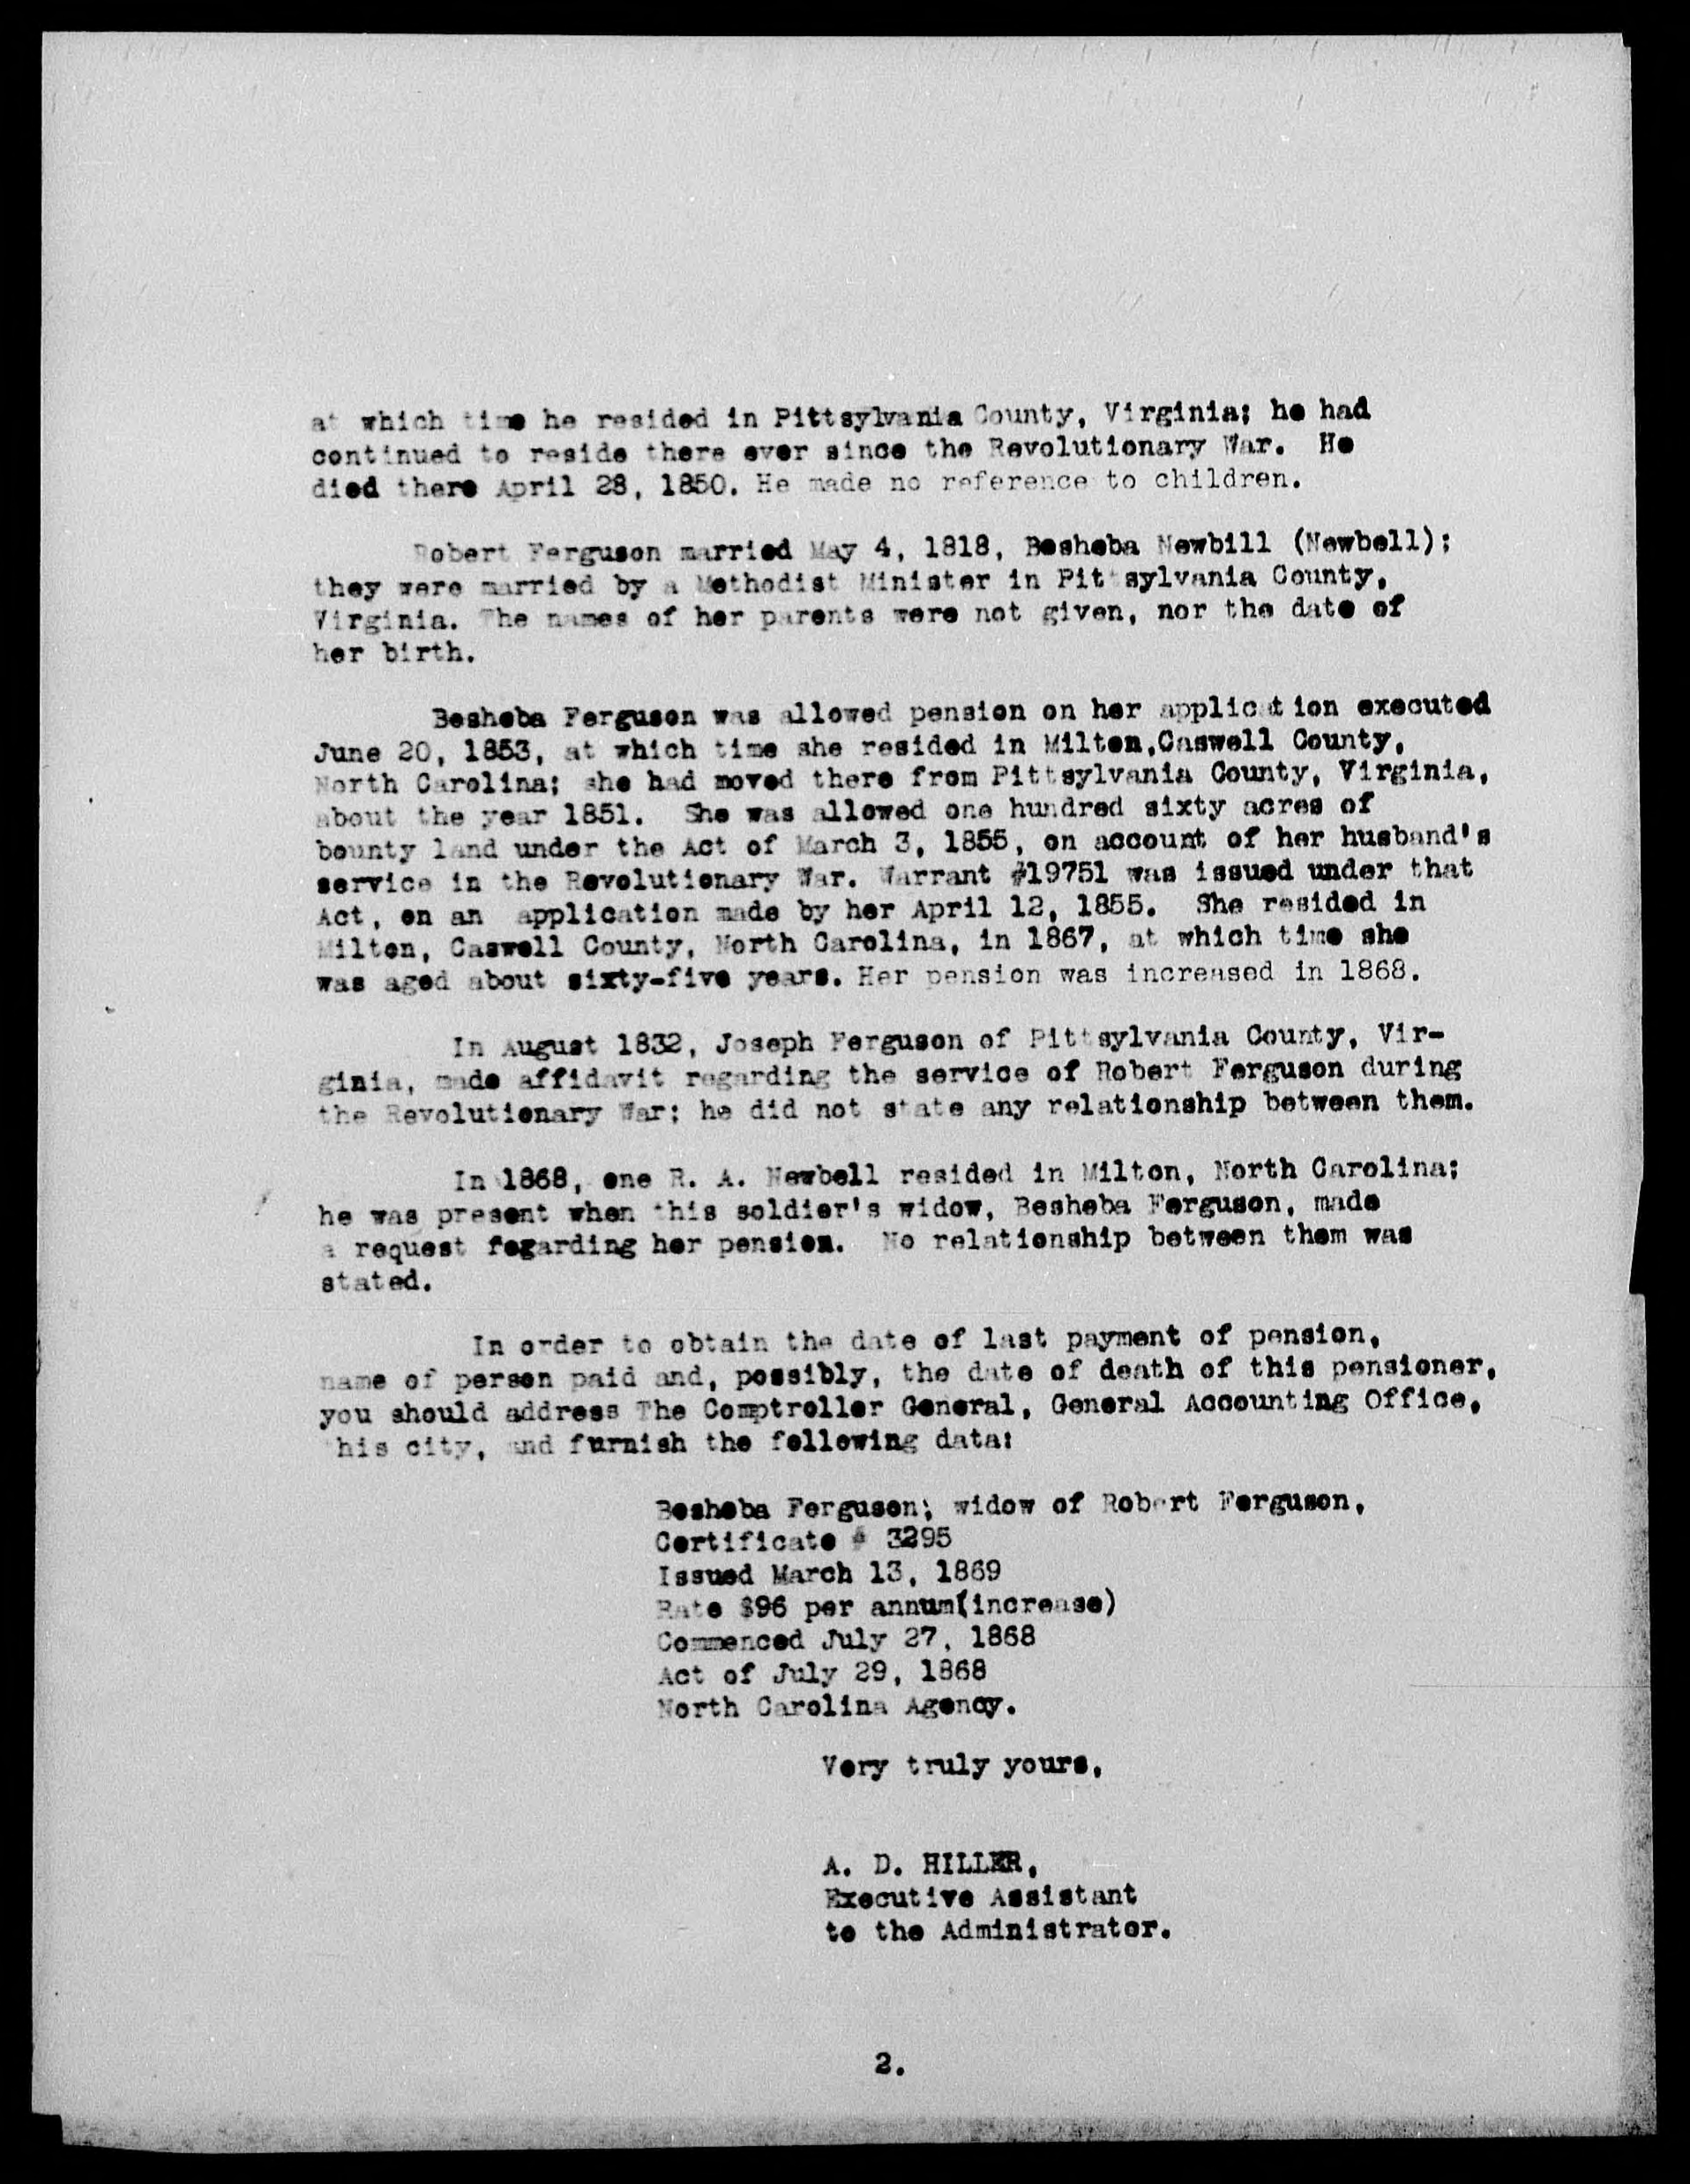at which time he resided in Pittsylvania County, Virginia; he had
continued to reside there ever since the Revolutionary War. He
died there April 28, 1850. He made no reference to children.
Robert Ferguson married May 4, 1818, Besheba Newbill (Newbell):
they were married by a Methodist Minister in Pittsylvania County,
Virginia. The names of her parents were not given, nor the date of
her birth.
Besheba Ferguson was allowed pension on her application executed
June 20, 1853, at which time she resided in Milton, Caswell County,
North Carolina; he had moved there from Pittsylvania County, Virginia,
about the year 1851. She was allowed one hundred sixty acres of
bounty land under the Act of March 3, 1855, on account of her husband's
service in the Revolutionary War. Warrant #19751 was issued under that
Act, on an application made by her April 12, 1855. She resided in
Wilton, Caswell County, North Carolina, in 1867, at which time she
was aged about sixty-five years. Her pension was increased in 1868.
In August 1832, Joseph Ferguson of Pittsylvania County, Virginia
, made affidavit regarding the service of Robert Ferguson during the
Revolutionary War; he did not state any relationship between them.
In 1888, one R. A. Newbell resided in Milton, North Carolina;
he was present when this soldier's widow, Besheba Ferguson, made
request regarding her pension. No relationship between them was
stated.
In order to obtain the date of last payment of pension, name of person paid and, possibly, the date of death of this pensioner,
you should address The Comptroller General, General Accounting Office,
this city, and furnish the following data:

Besheba Ferguson, widow of Robert Ferguson,
Certificate # 3295
Issued March 13, 1869
Rate $96 per annum (increase)
Commenced July 27, 1868
Act of July 29, 1868
North Carolina Agency.
Very truly yours,
A. D. HILLER,
Executive Assistant
to the Administrator.
2.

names: Robert Ferguson, Besheba Ferguson, Joseph Ferguson, Besheba Ferguson, Besheba Newbell, Besheba Newbill, Besheba Ferguson, Robert Ferguson, Robert Ferguson, R A Newbell, A D Hiller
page: 22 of 81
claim: widow's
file: W. 7262, Robert Ferguson, Va.